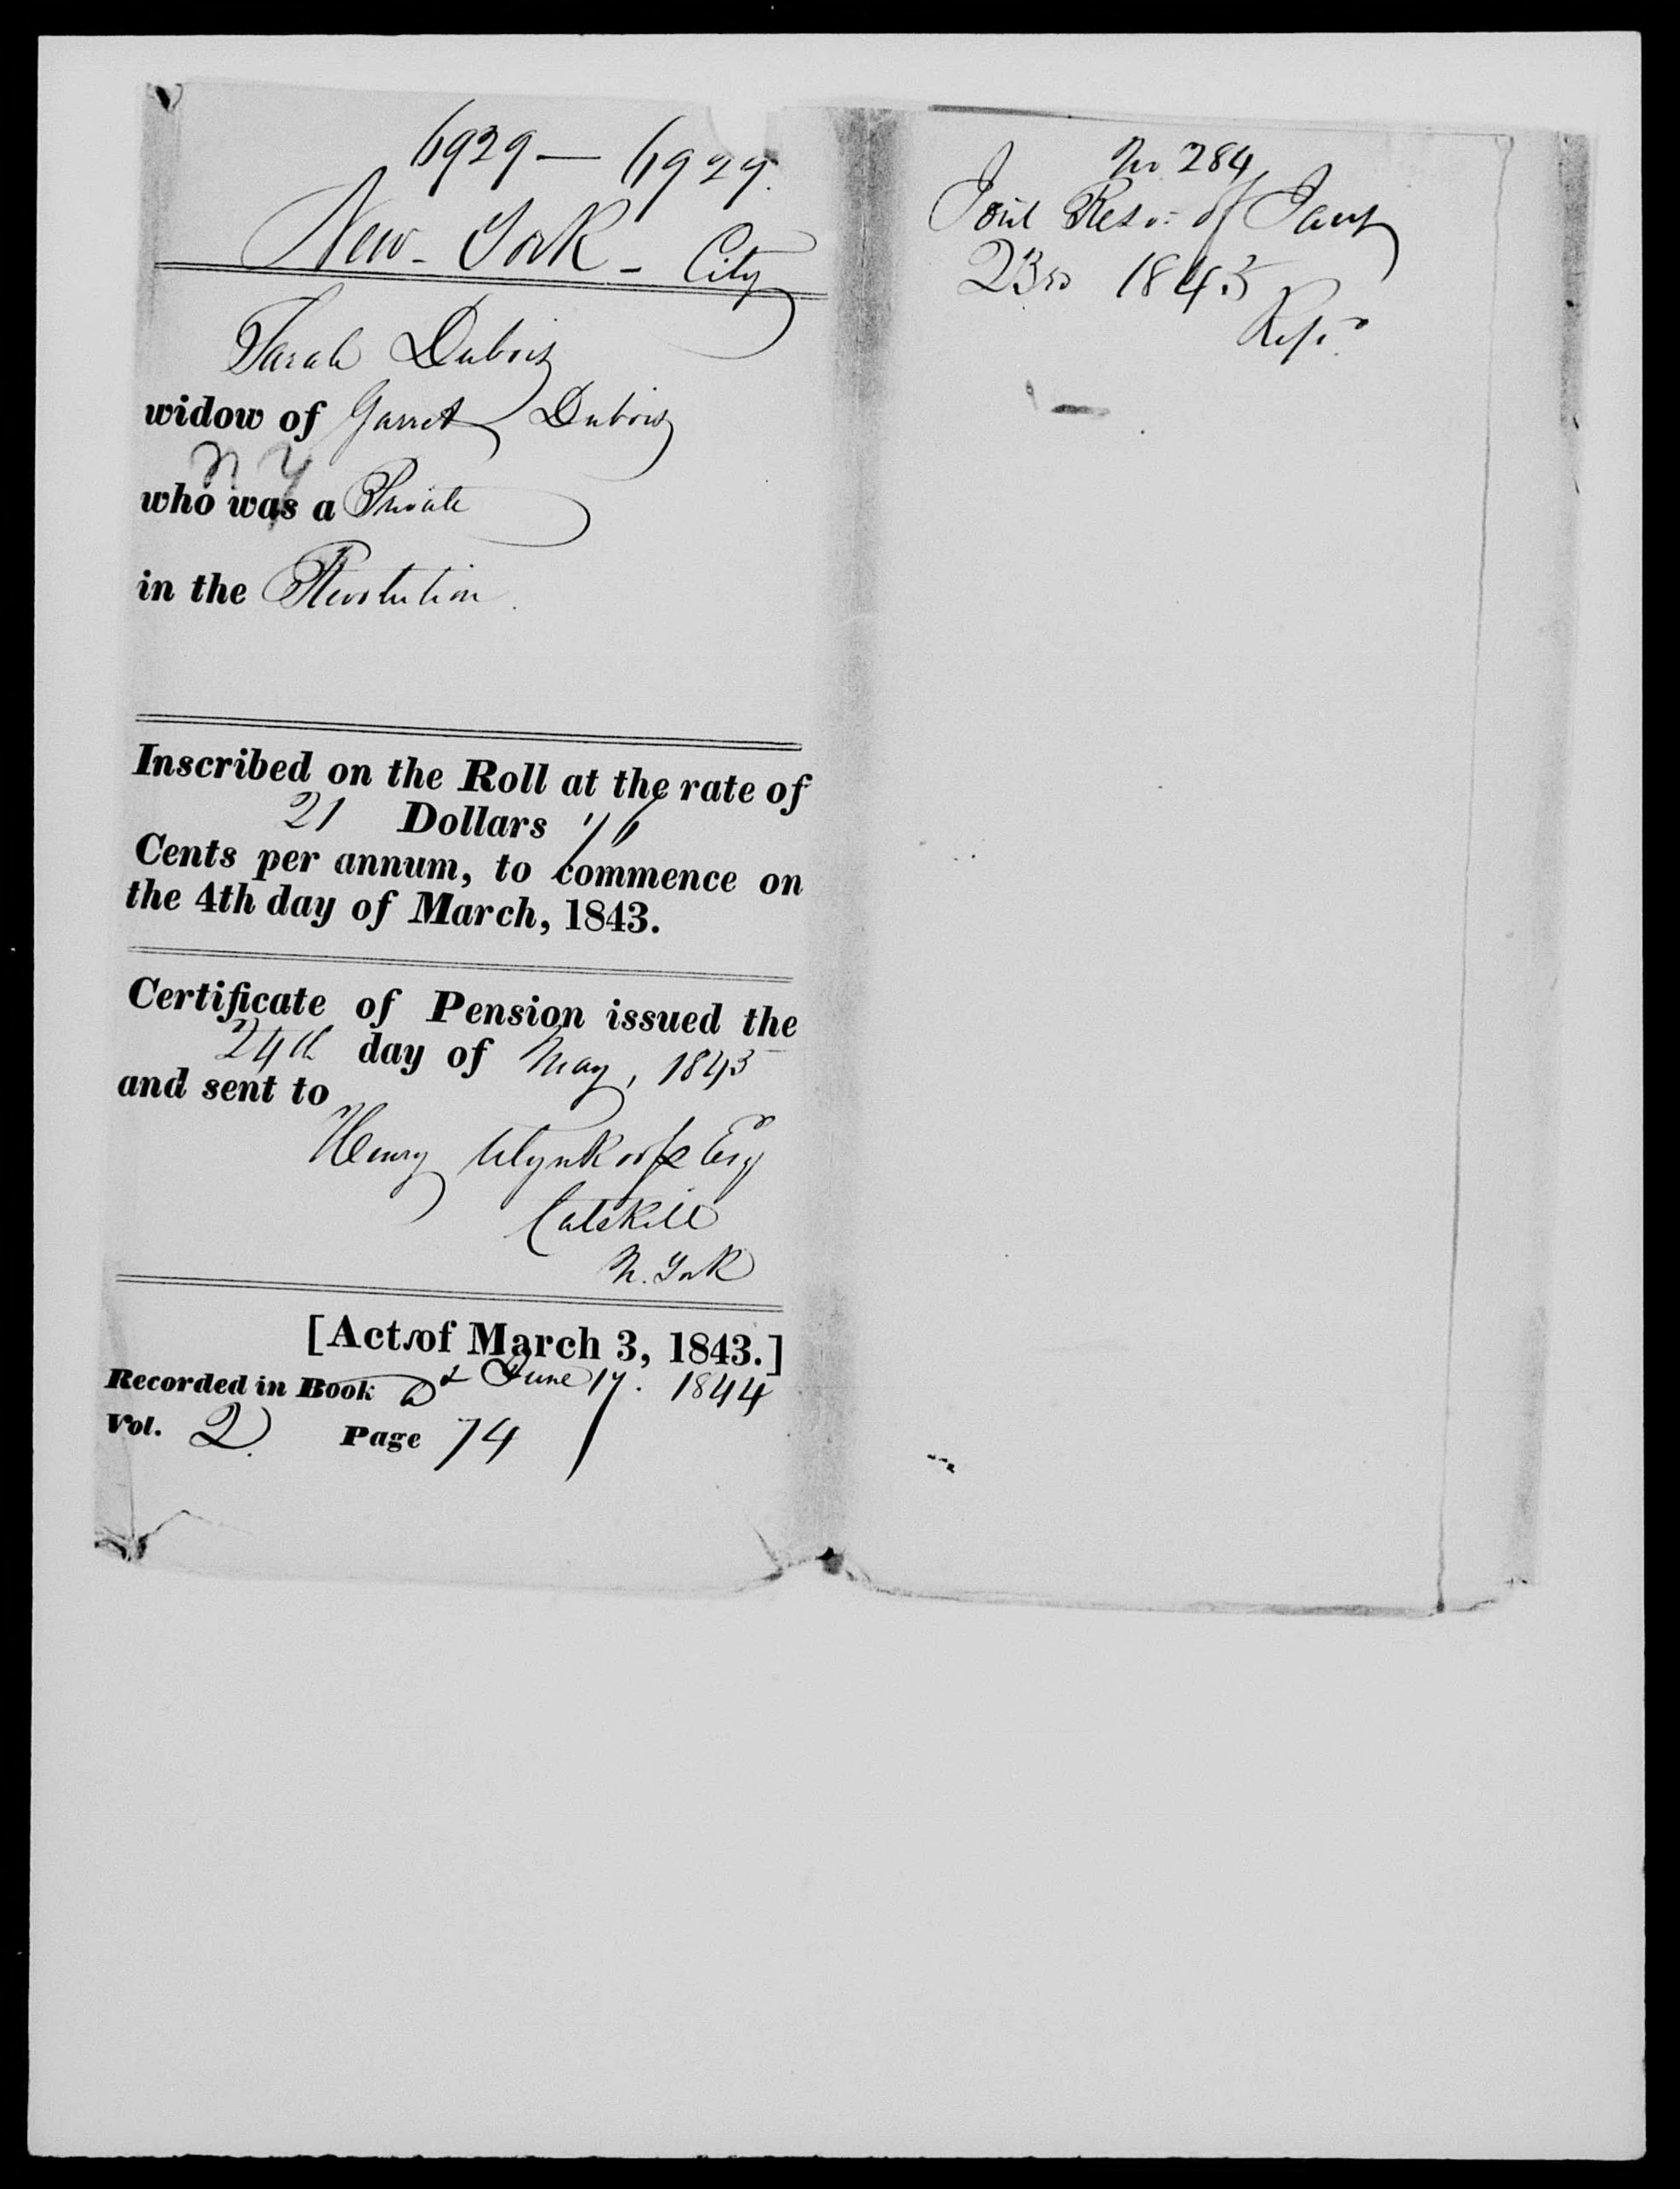[left facing page]
6929 - 6929
New York - City
Sarah Dubois
widow of Garret Dubois
NY
who was a Private
in the Revolution
Inscribed on the Roll at the rate of
21 Dollars 76 Cents per annum, to commence on
the 4th day of March, 1843.
Certificate of Pension issued the
24th day of May, 1843
and sent to Henry Wynkoop Esq
Catskill
N. York
[Act of March 3, 1843.]
Recorded in Book D& June 17, 1844
Vol. 2 Page 74

[right facing page]
No 284
Joint Resol of May
23rd 1843
Ref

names: Garret Dubois, Henry Wynkoop, Sarah Dubois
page: 2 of 36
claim: widow's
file: W 20995, Gerrit Dubois, New York